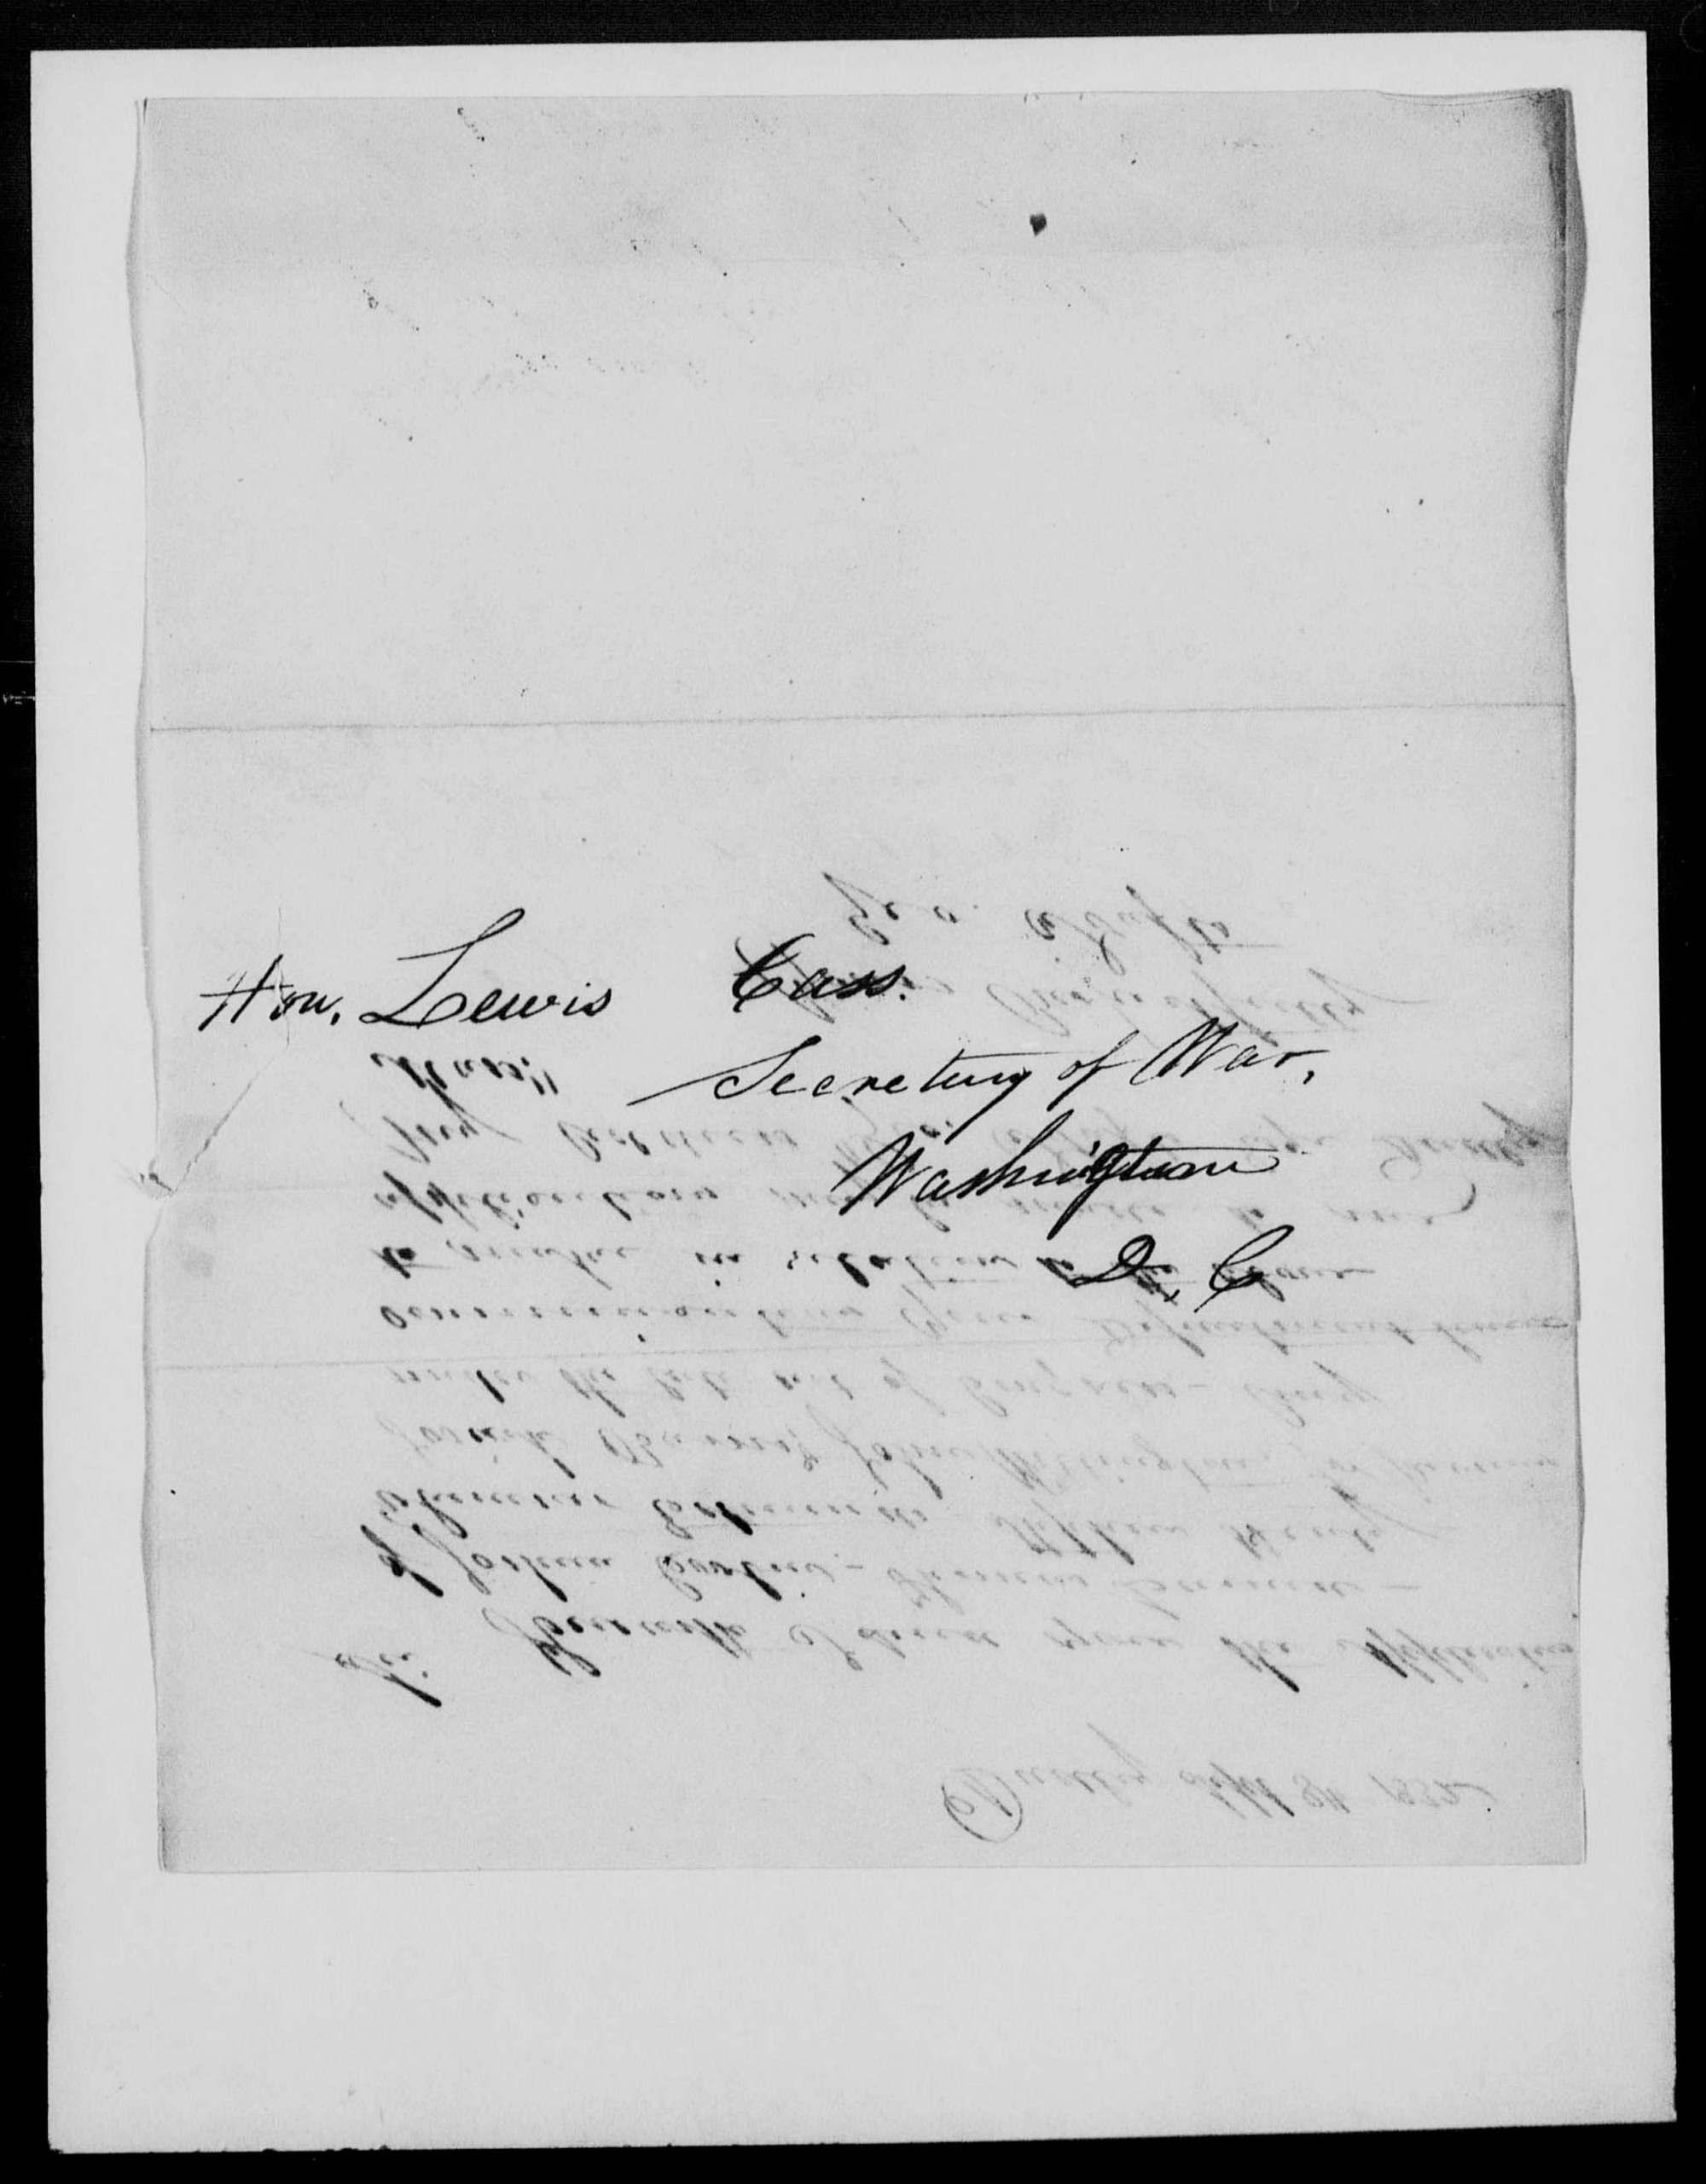Hon. Lewis Cass
Secretary of War
Washington DC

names: Lewis Cass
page: 29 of 34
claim: survivor's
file: S. 12581, Joshua Corbin, Mass.